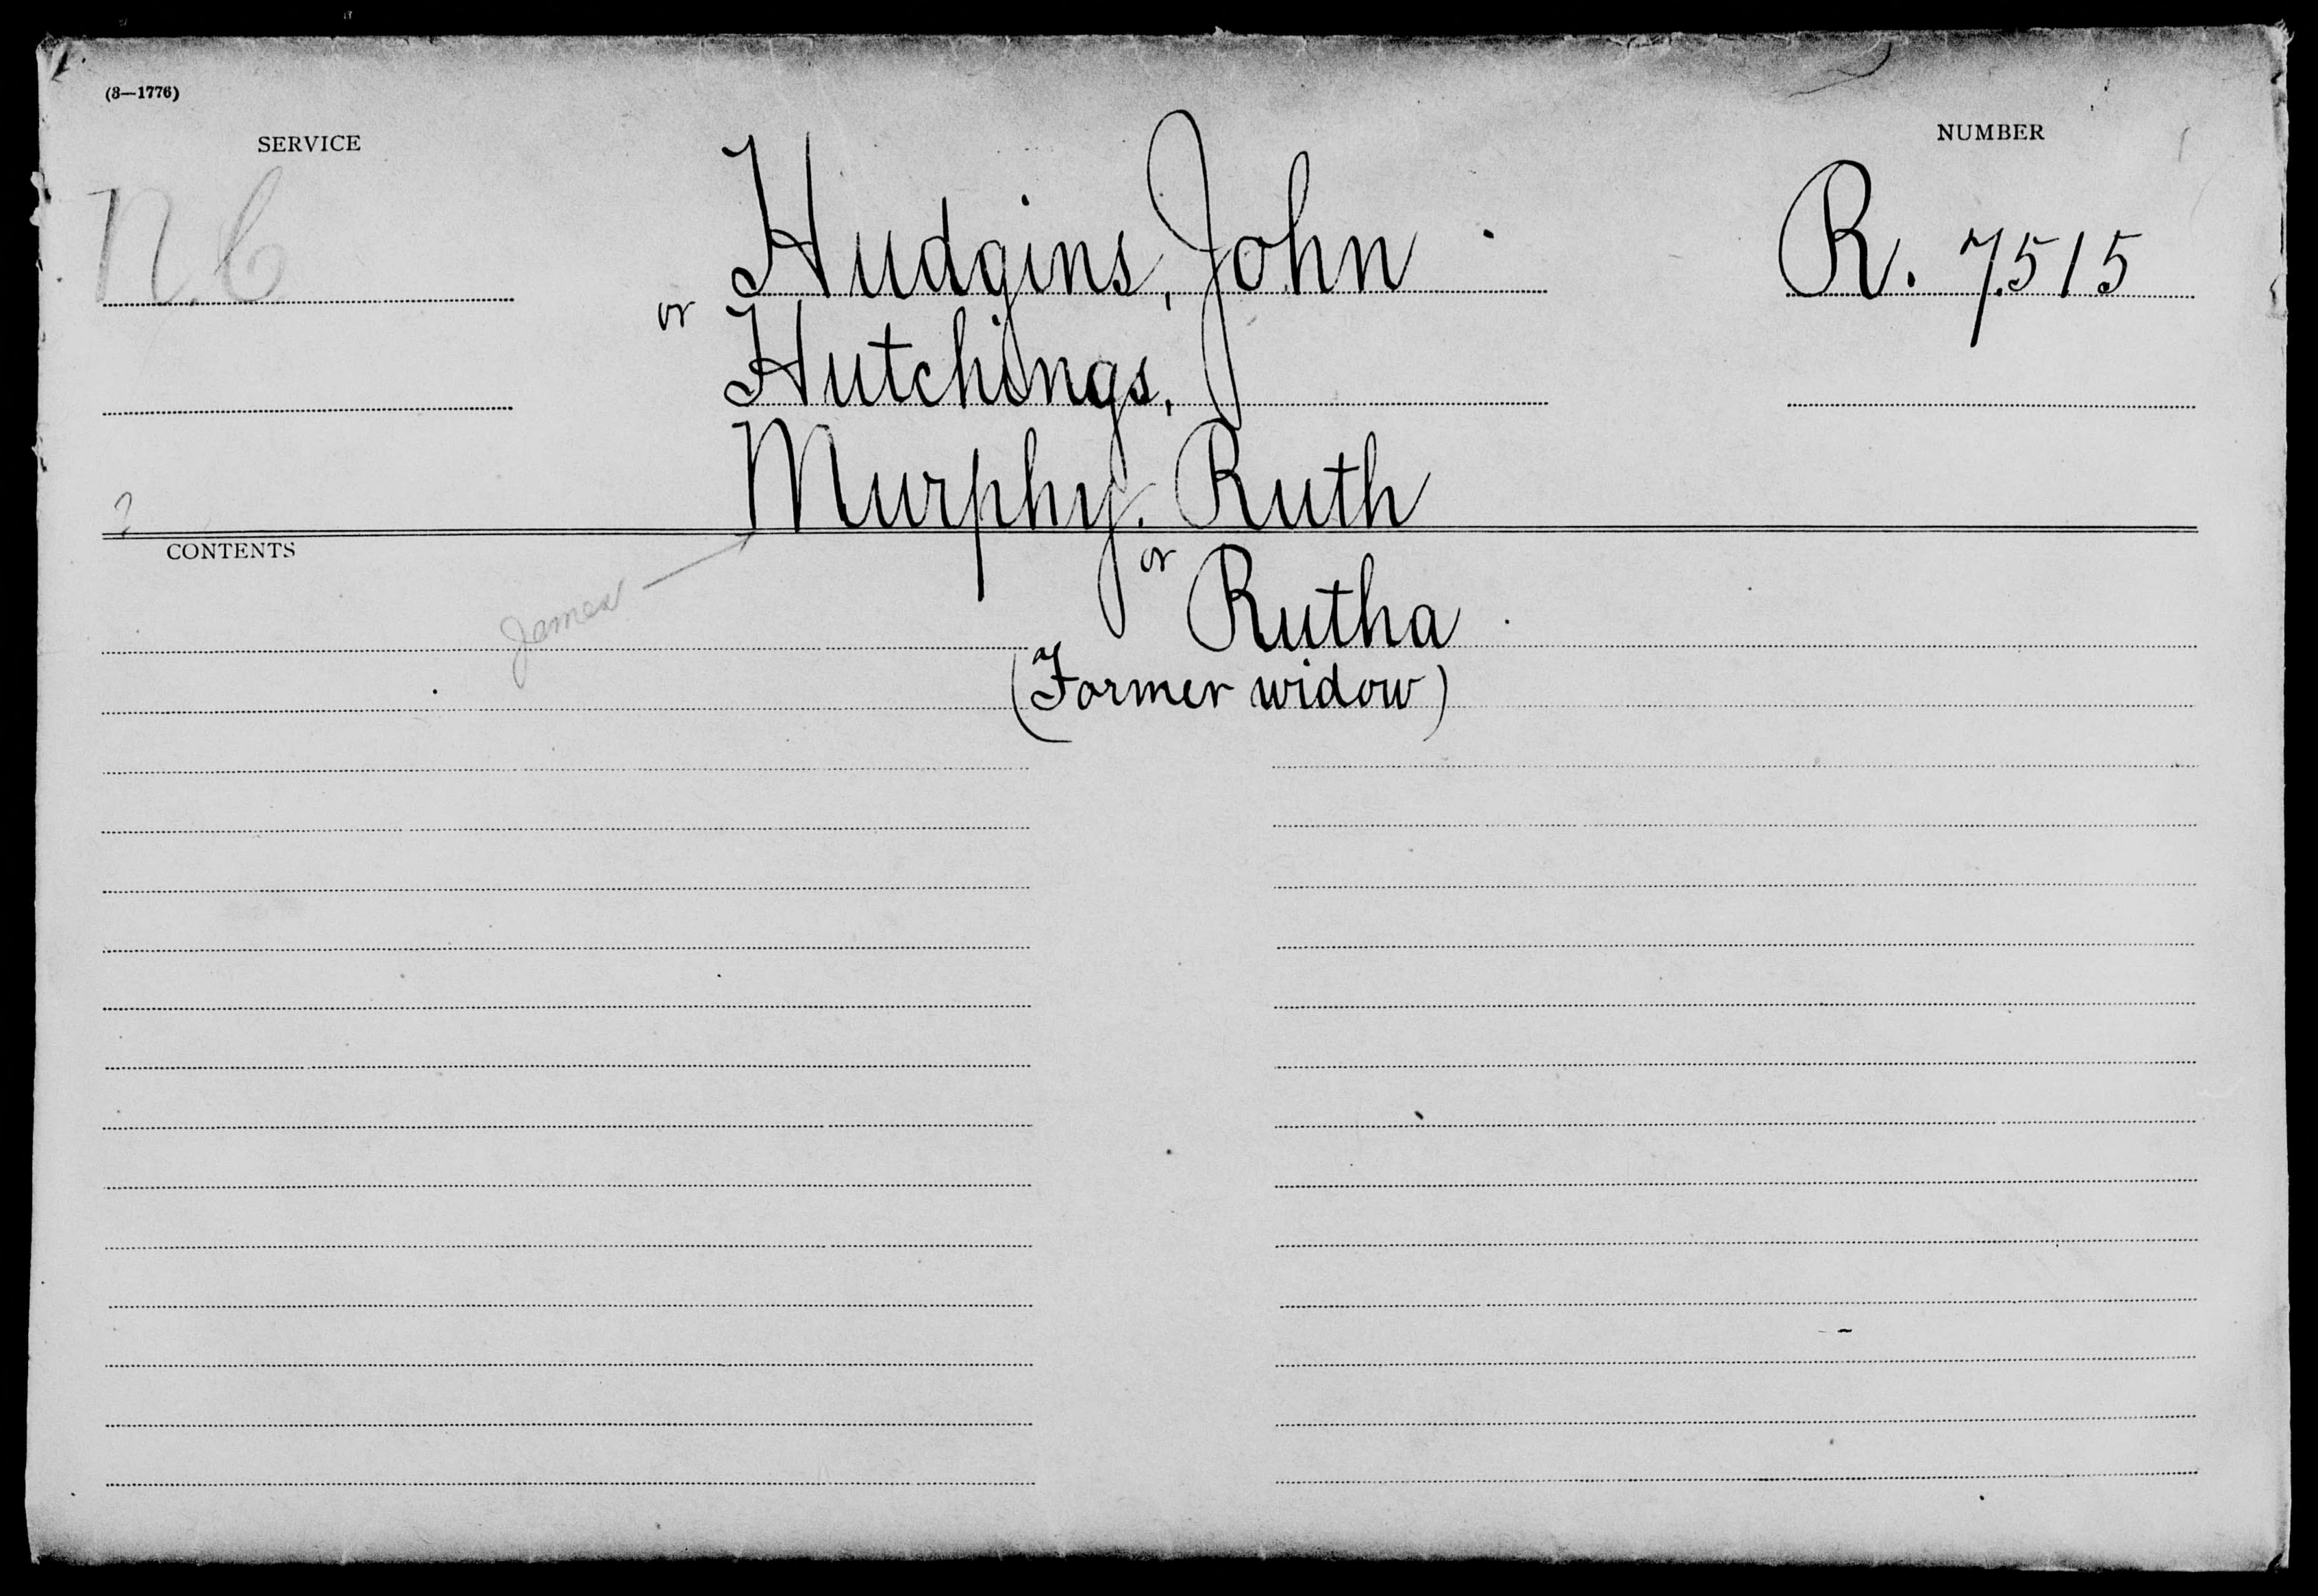(8-1776)
SERVICE NUMBER
N.C. Hudgins, John R. 7515
or Hutchings,
Murphy, Ruth
CONTENTS or Rutha
(Former widow)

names: Rutha Murphy, John Hutchings, James Murphy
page: 1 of 108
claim: rejected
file: R. 7,515, John Hudgins, N.C.